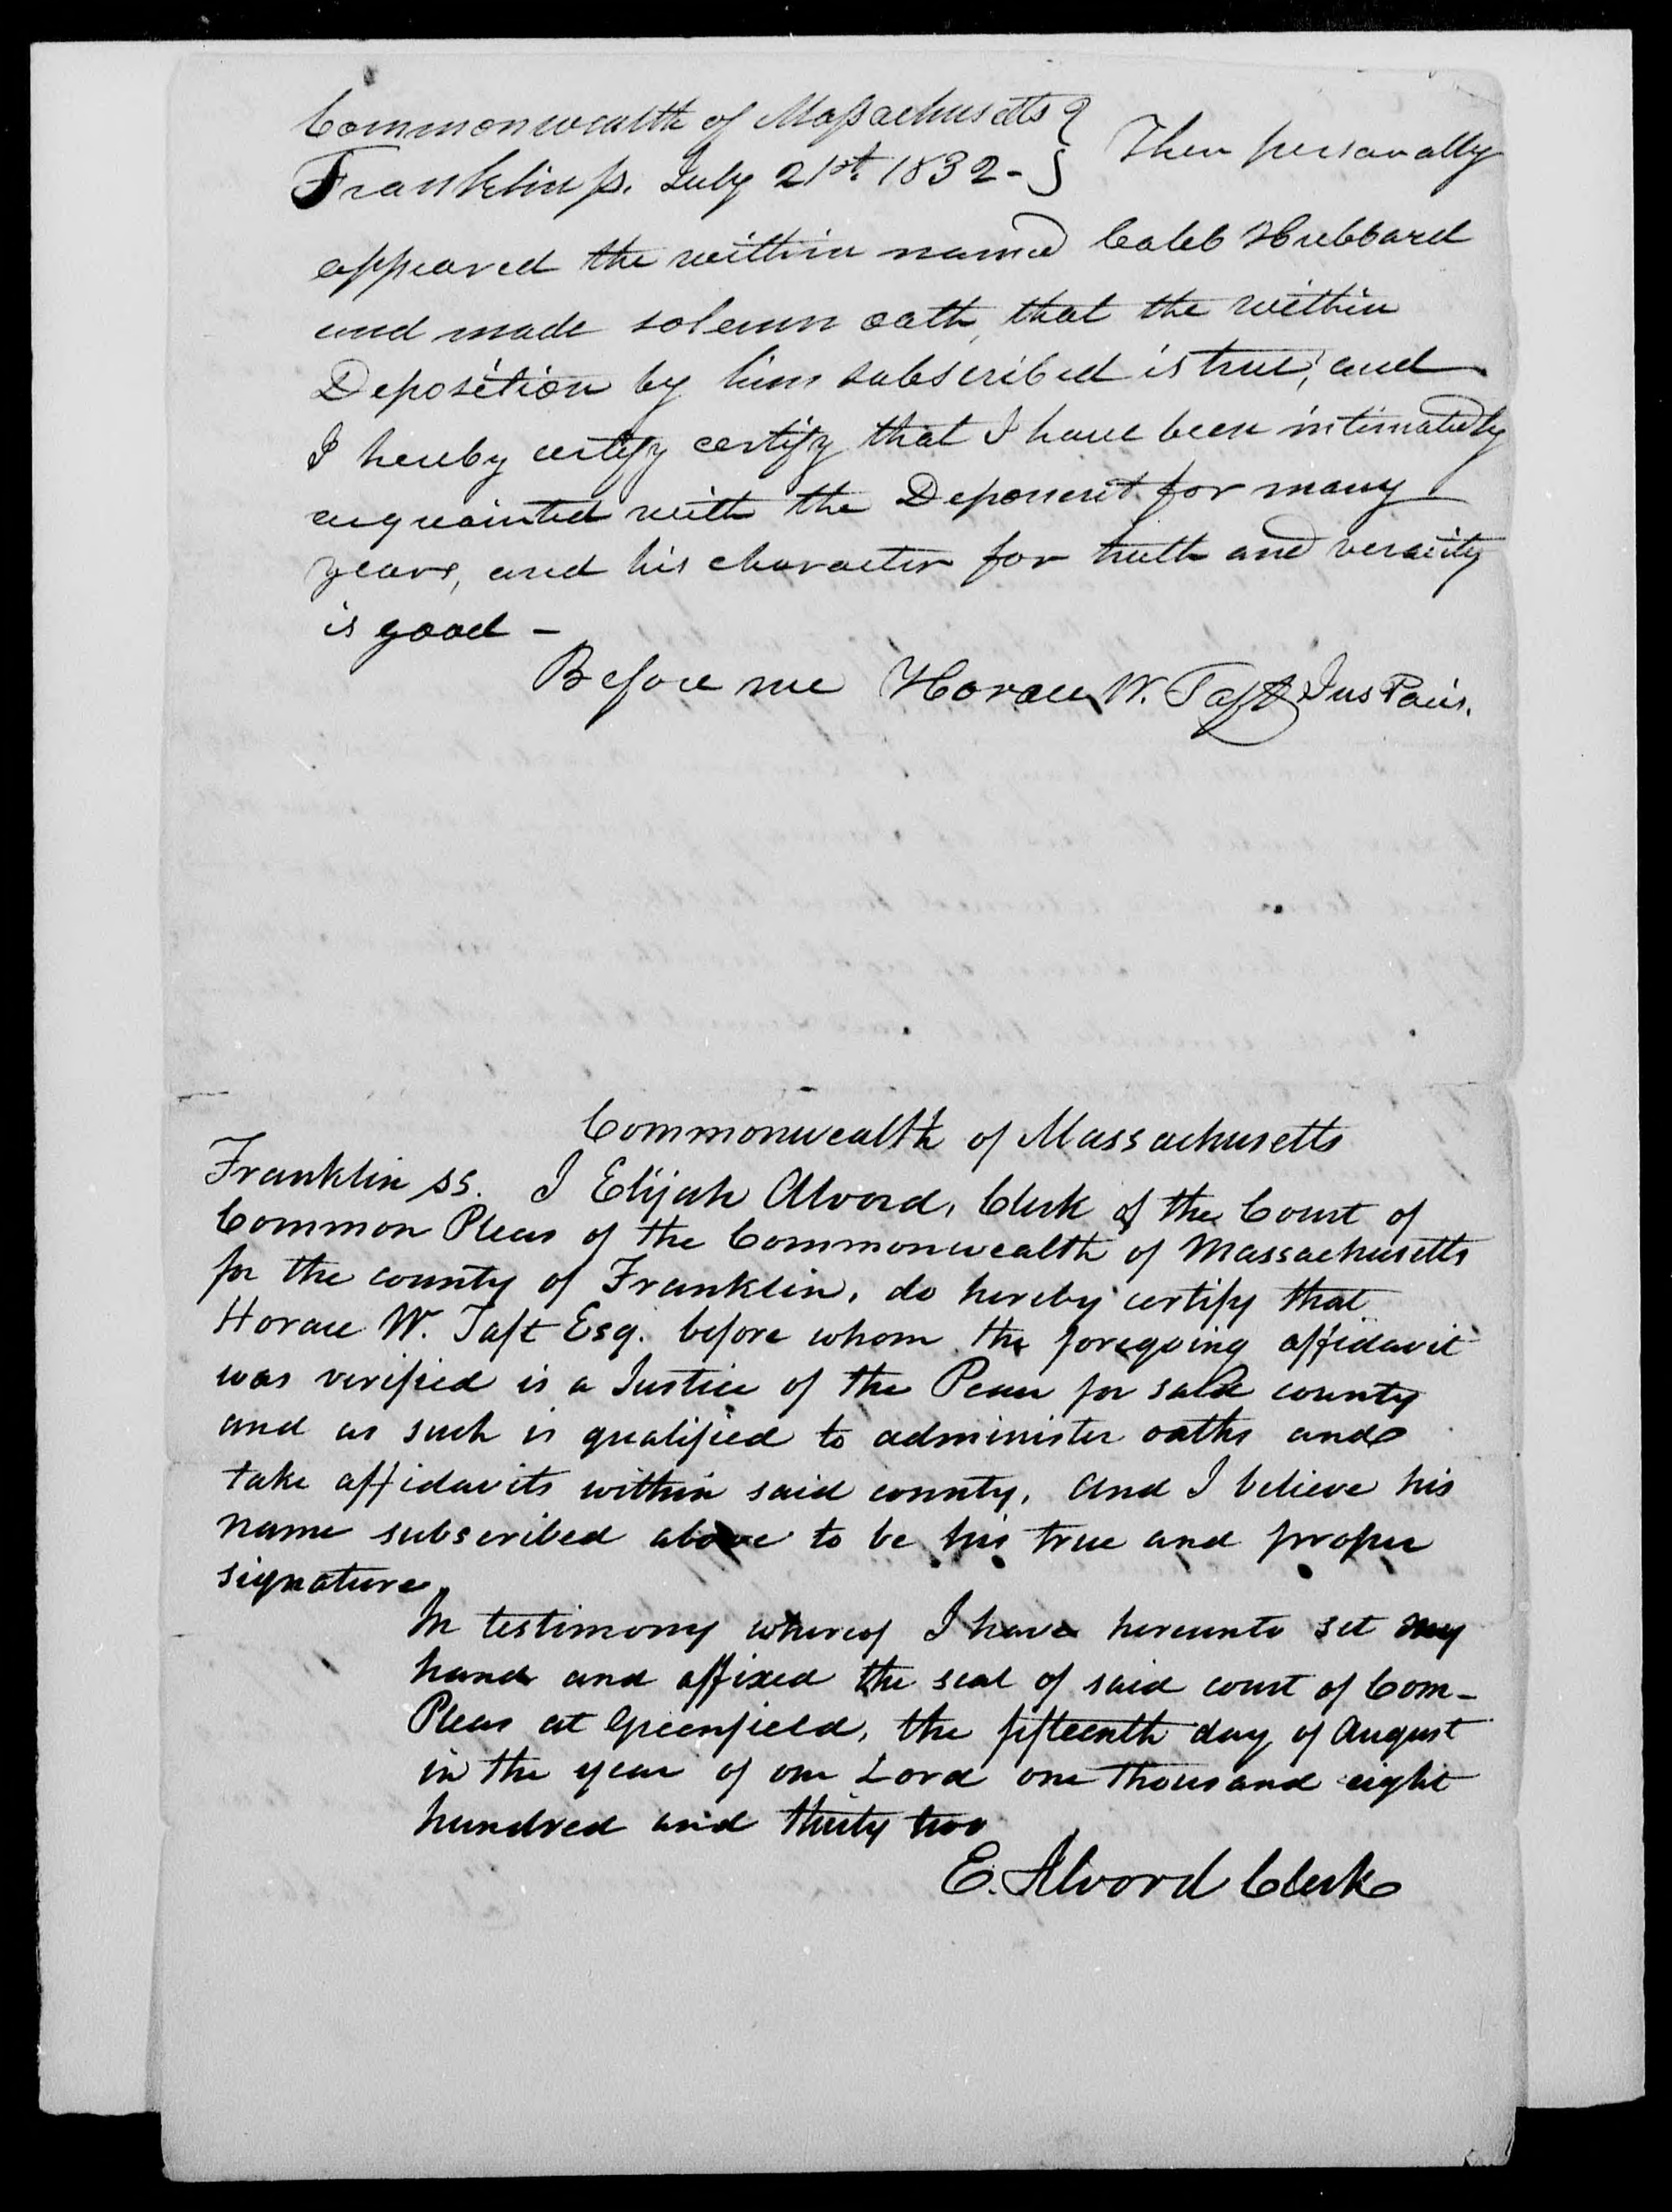Commonwealth of Massachusetts Franklin, SS July 21st 1832- 

Then personally appeared the within named Caleb Hubbard and made solemn oath that the within Deposition by him subscribed is true, and I hereby certify certify that I have been intimately acquainted with the Deponent for many years, and his character for truth and veracity is good- 
Before me Horace W. Taft Jus Pacis 

Commonwealth of Massachusetts Franklin SS. 

I Elijah Alvord, Clerk of the Court of Common Pleas of the Commonwealth of Massachusetts for the County of Franklin, do hereby certify that Horace W. Taft Esq. before whom the foregoing affidavit was verified is a Justice of the Peace for said County and as such is qualified to administer oaths and take affidavits within said county, and I believe his name subscribed above to be his true and proper signature,

 In testimony whereof I have hereunto set my hand and affixed the seal of said Court of Common Pleas at Greenfield, the fifteenth day of August in the year of our Lord one thousand eight hundred and thirty two 
E. Alvord Clerk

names: Horace W Taft, E Alvord, Elijah Alvord, Caleb Hubbard, Horace W Taft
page: 33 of 48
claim: survivor's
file: S. 17343, Lemuel Clarke, Mass.